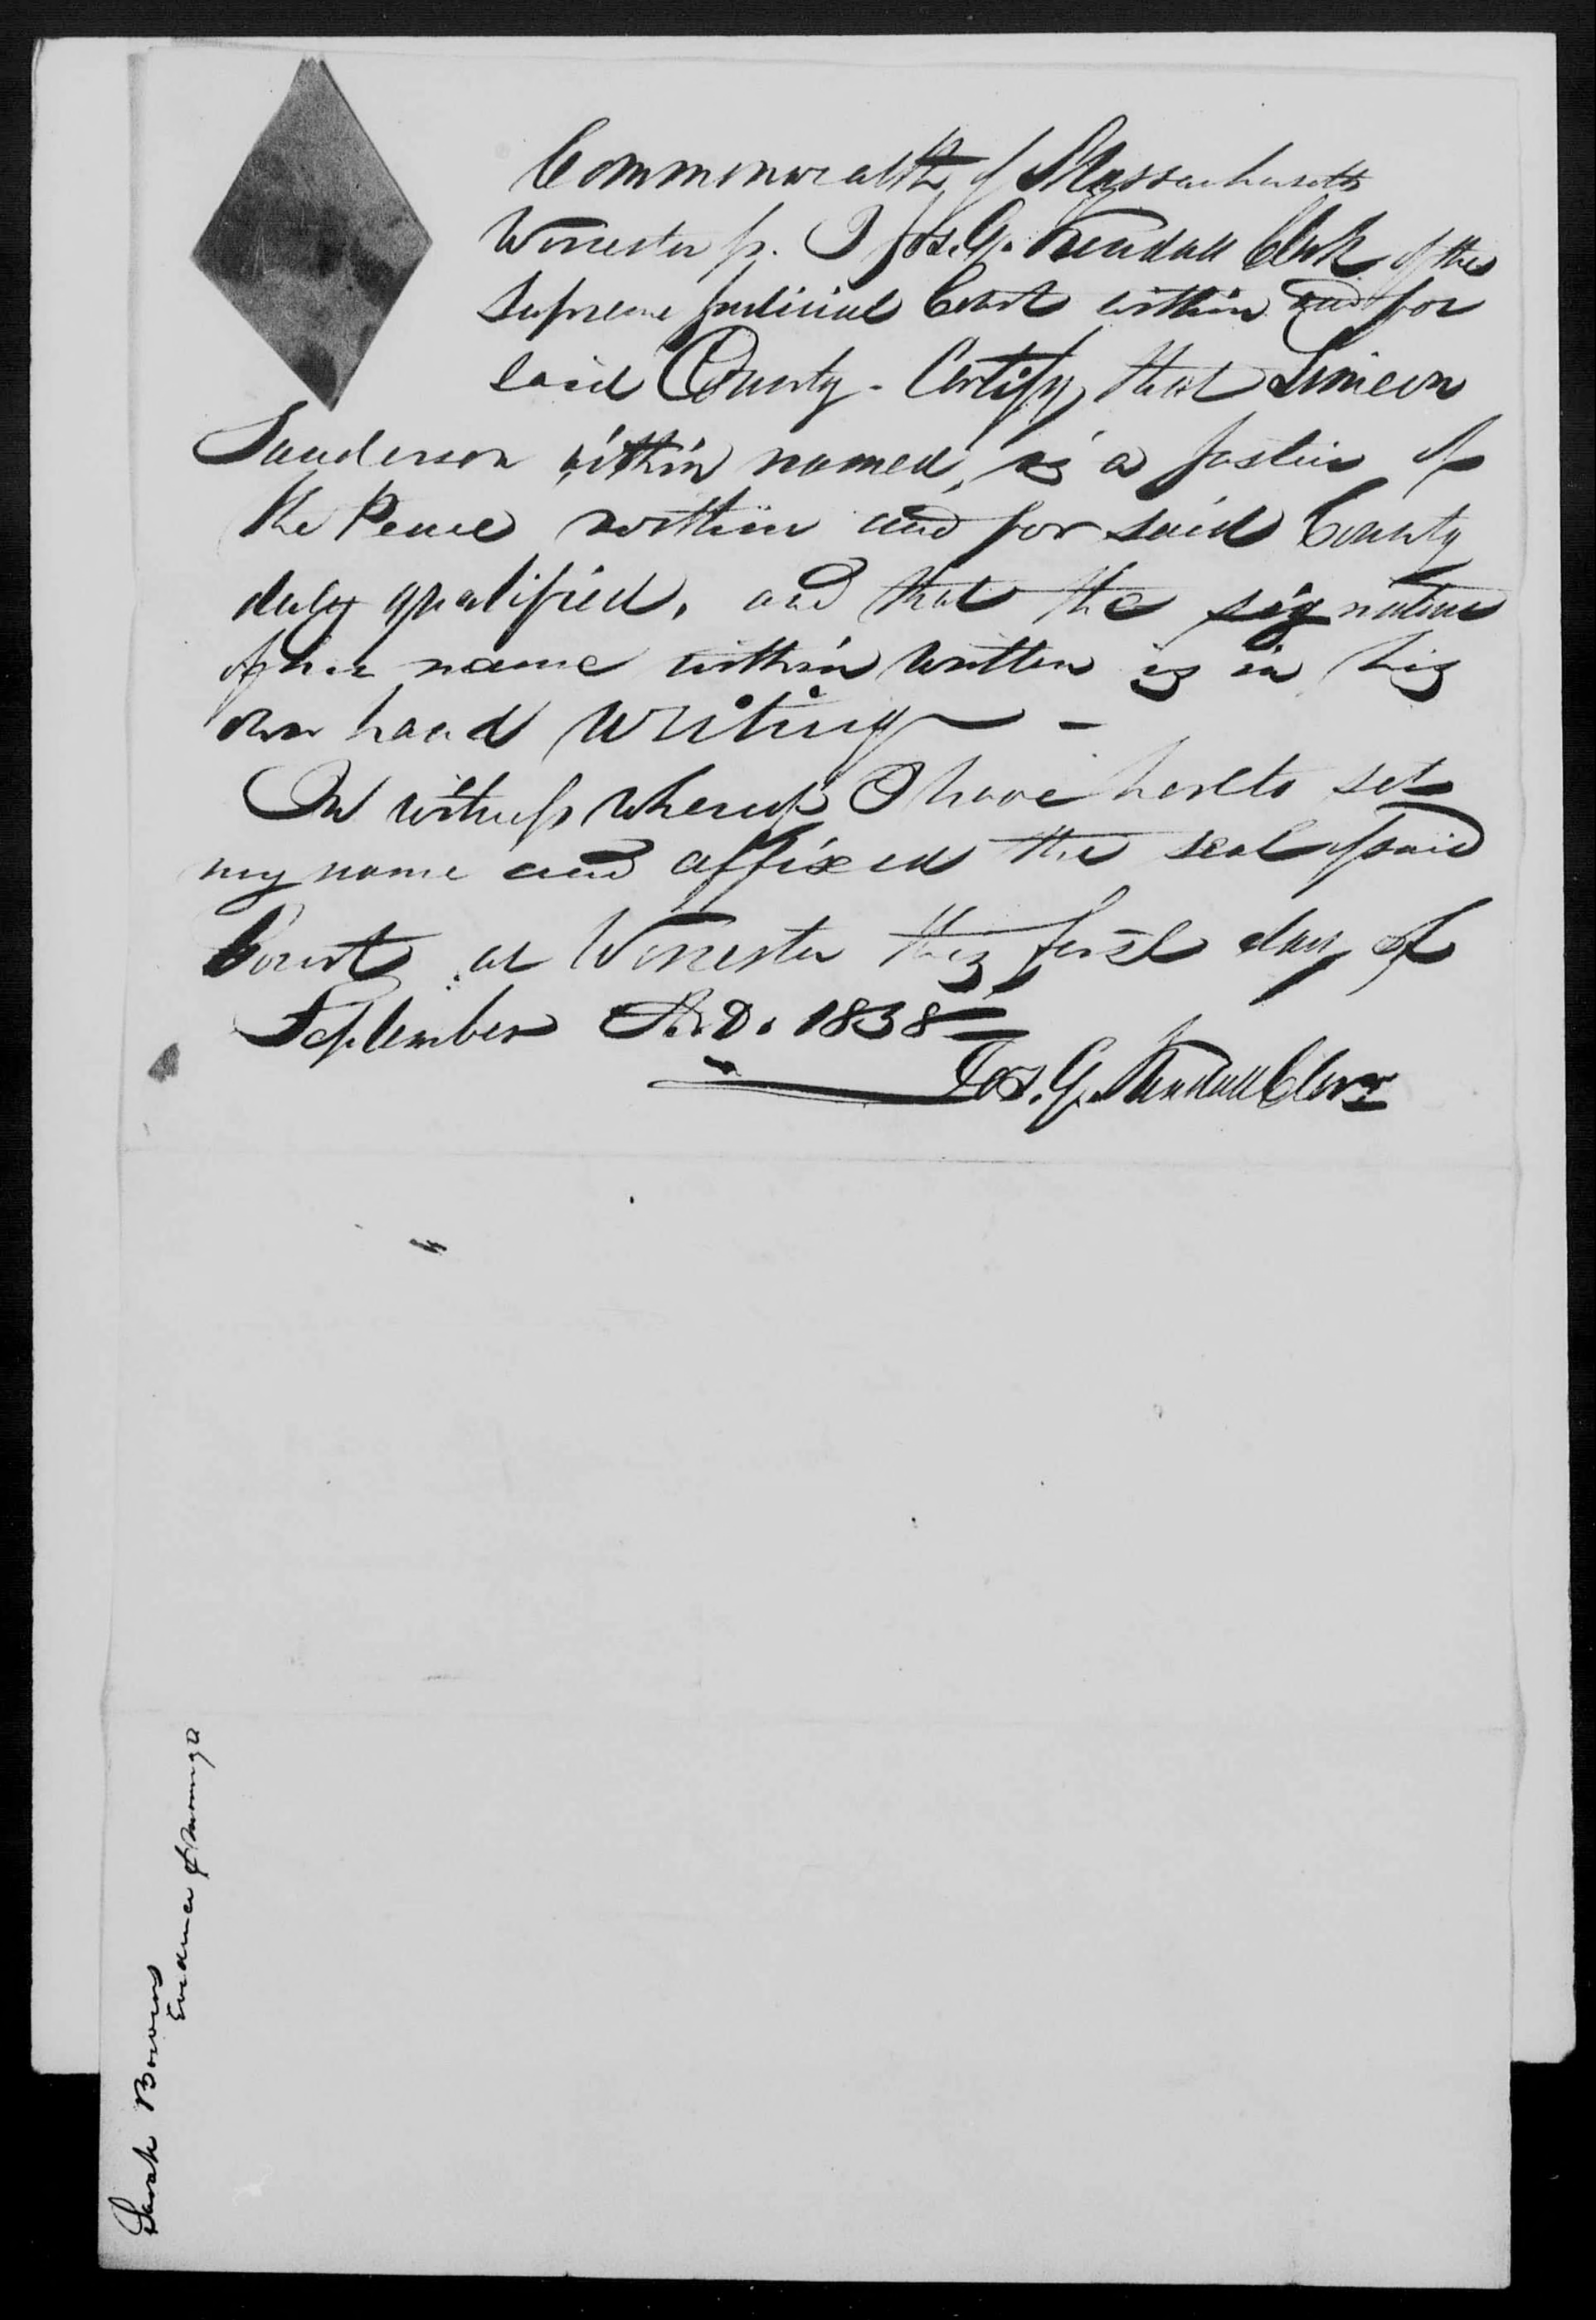Commonwealth of Massachusetts
Worcester ss. I Jos. G. Kendall Clerk of the Supreme Judicial Court within and for said County - Certify that Simeon Sanderson within names, is a Justice of the Peace within and for said County duly qualified, and that the signature of his name within written is in his own hand writing --
In witness whereof I have hereto set my name and affixed the seal of said County at Worcester this first day of September A.D. 1838
Jos. G. Kendall Clerk

[lower left edge:]
Sarah Bowers
Evidence of Marrg. D. [marriage?]
[end of text]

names: Jos G Kendall, Jos G Kendall, Sarah Bowers, Simeon Sanderson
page: 13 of 42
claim: widow's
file: W. 23,652, Nehemiah Bowers, Mass.